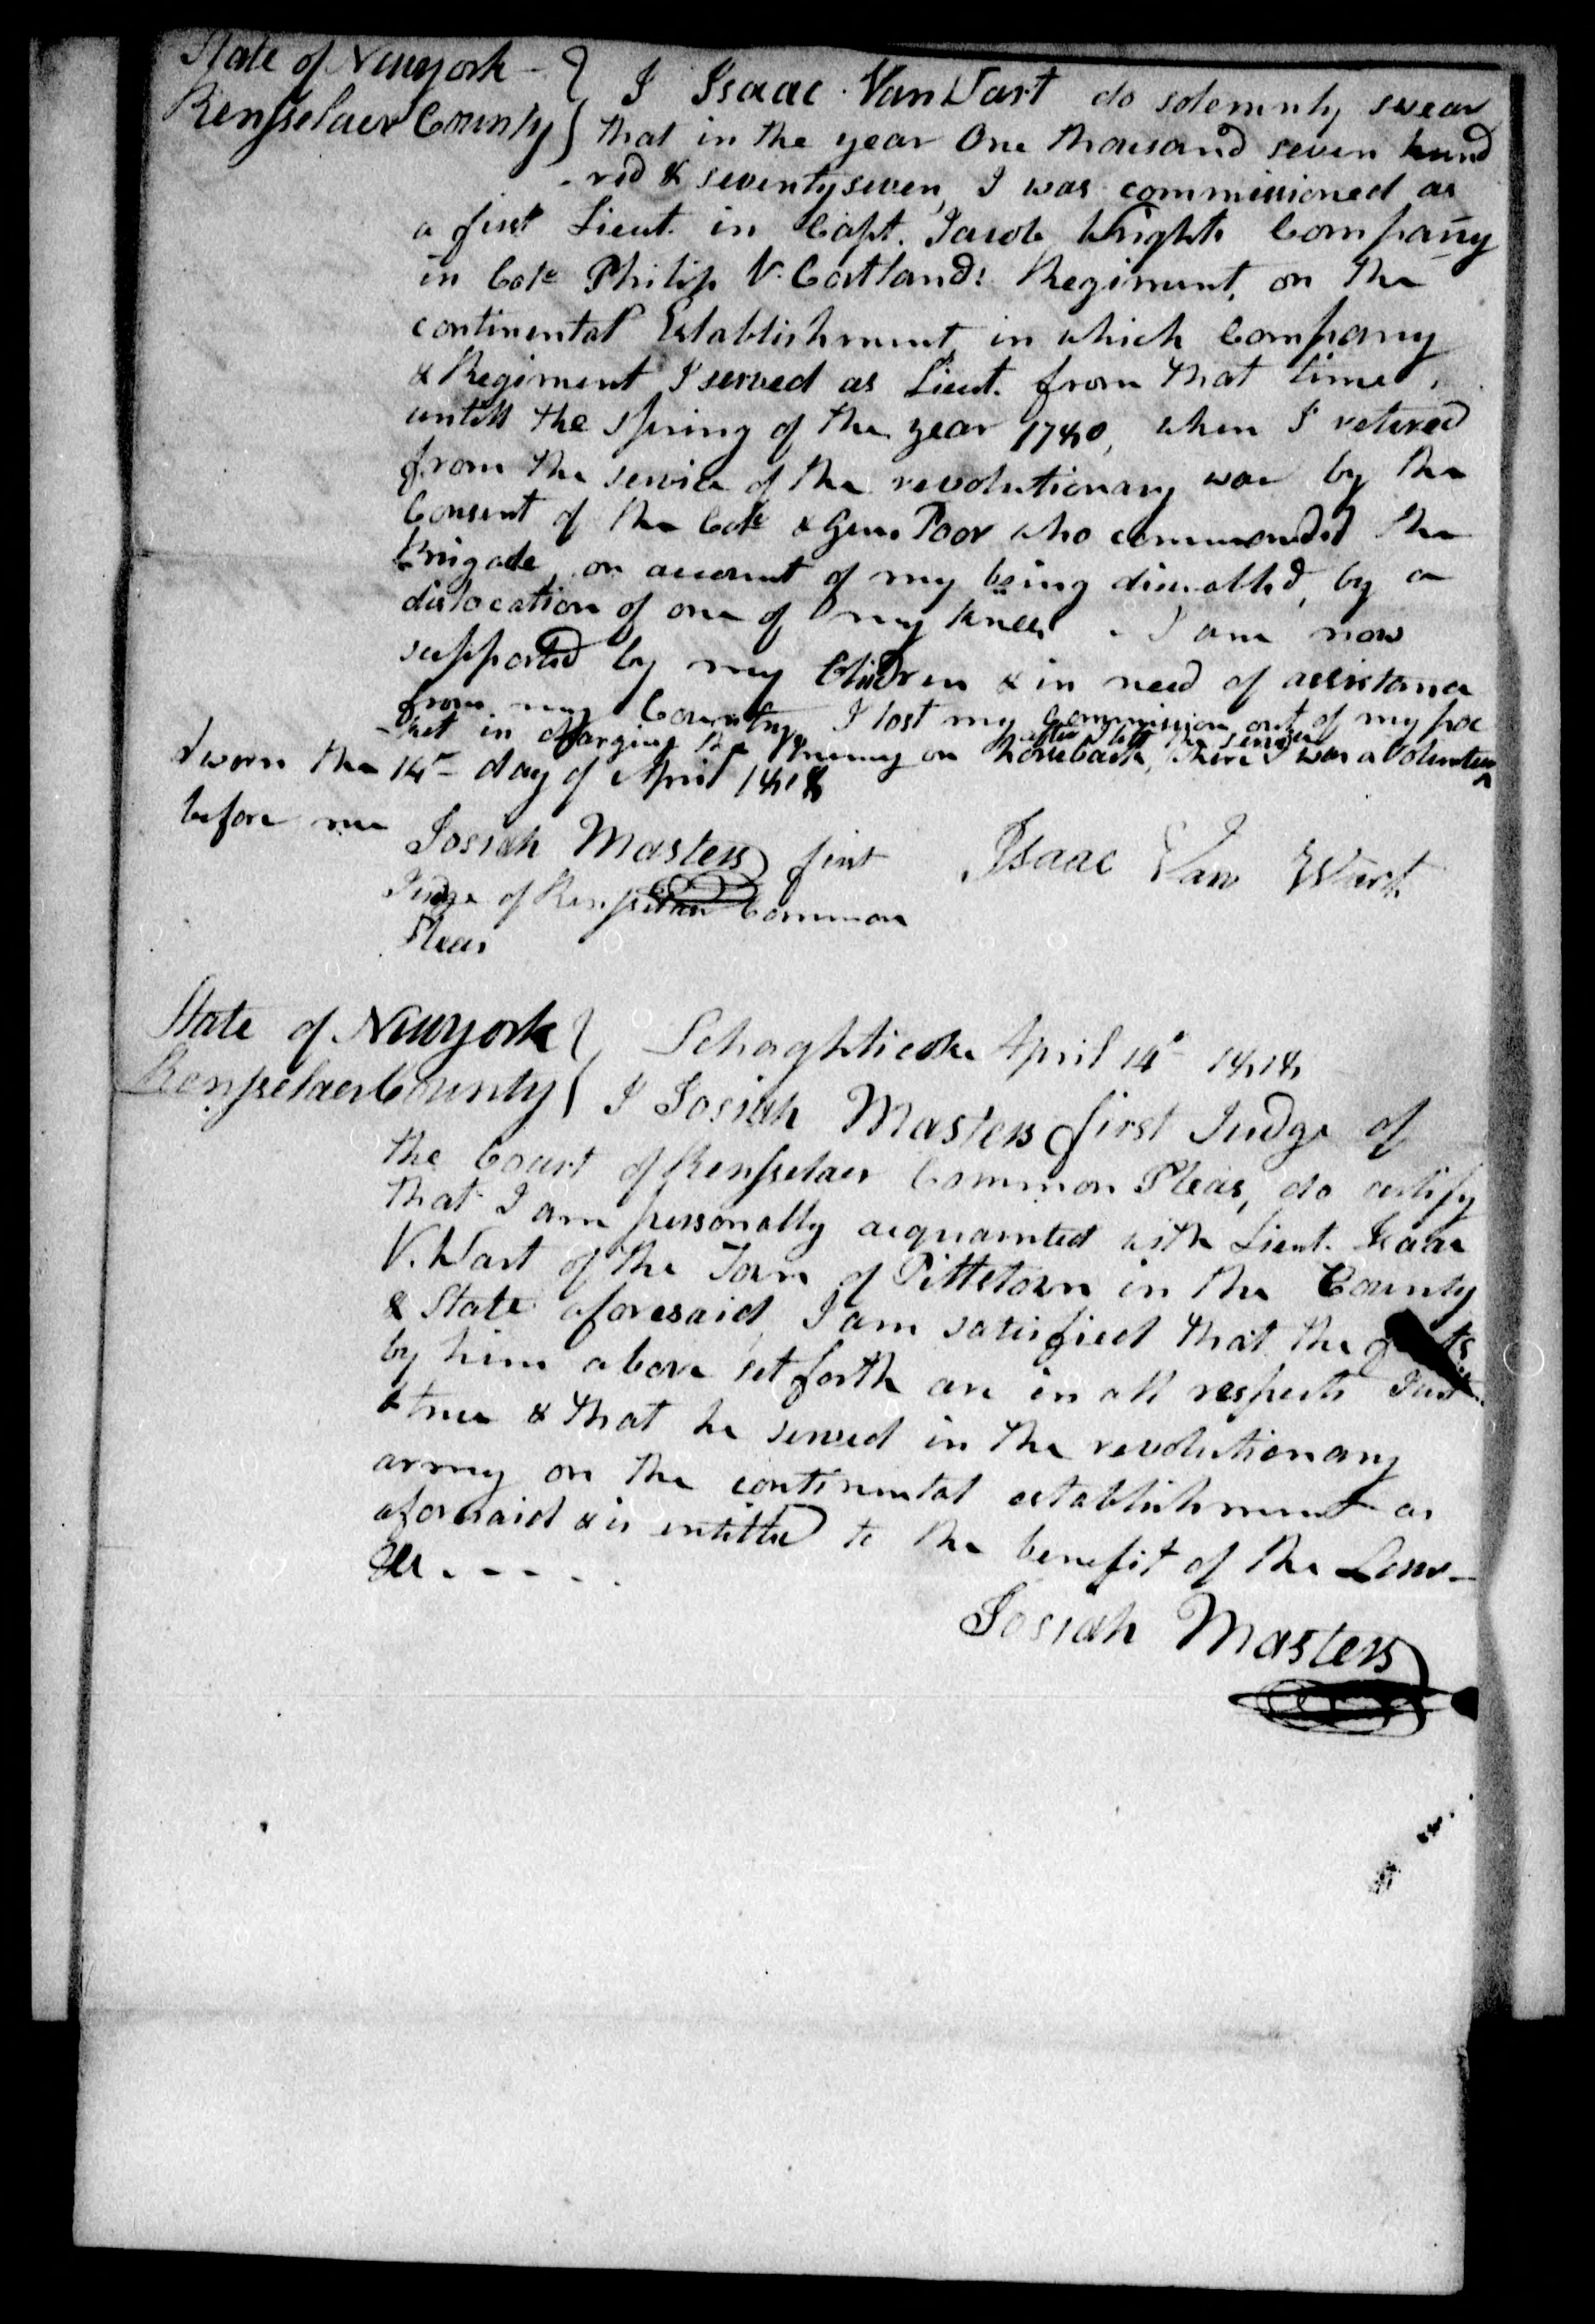State of New York
Rensselaer County

I Isaac Van Wart do solemnly swear that in the year One Thousand Seven Hundred & seventy seven, I was commissioned as a first Lieut. in Capt. Jacob Wrights Company in late Philip V.Cortlands Regiment on the continental Establishment in which company & Regiment I served as Lieut. from that time until the spring of the year 1780 when I retired from the service of the revolutionary war by Consent of the Col & Gen. Poor who commanded the Brigade on account of my being disabled by a dislocation of on of my knees.  I am now supported by my children & in need of assistance from my Country.  I lost my commission out of my pocket in charging the Enemy on horseback, where I was a volunteer after I left the service.
[signed] Isaac Van Wart
Sworn the 14th day of April 1818
before me
[signed] Josiah Masters first 
Judge of Rensselaer Common Pleas

State of New York
Rensselaer County

Schaghticoke April 14 1818
I Josiah Masters first Judge of the Court of Rensselaer Common Pleas, do certify that I am personally acquainted with Lieut. Isaac V. Wart of the Town of Pittstown in the County & State aforesaid.  I am satisfied that the facts by him above set forth are in all respects Just  & true & that he served in the revolutionary army on the continental establishment as aforesaid & is entitled to the benefit of the Pension.

[signed]
Josiah Masters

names: Isaac Van Wart, Josiah Masters, Josiah Masters, Josiah Masters, Isaac V Wart, Issac Van Wart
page: 4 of 102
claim: widow's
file: W. 18239, Isaac Van Wart, New York